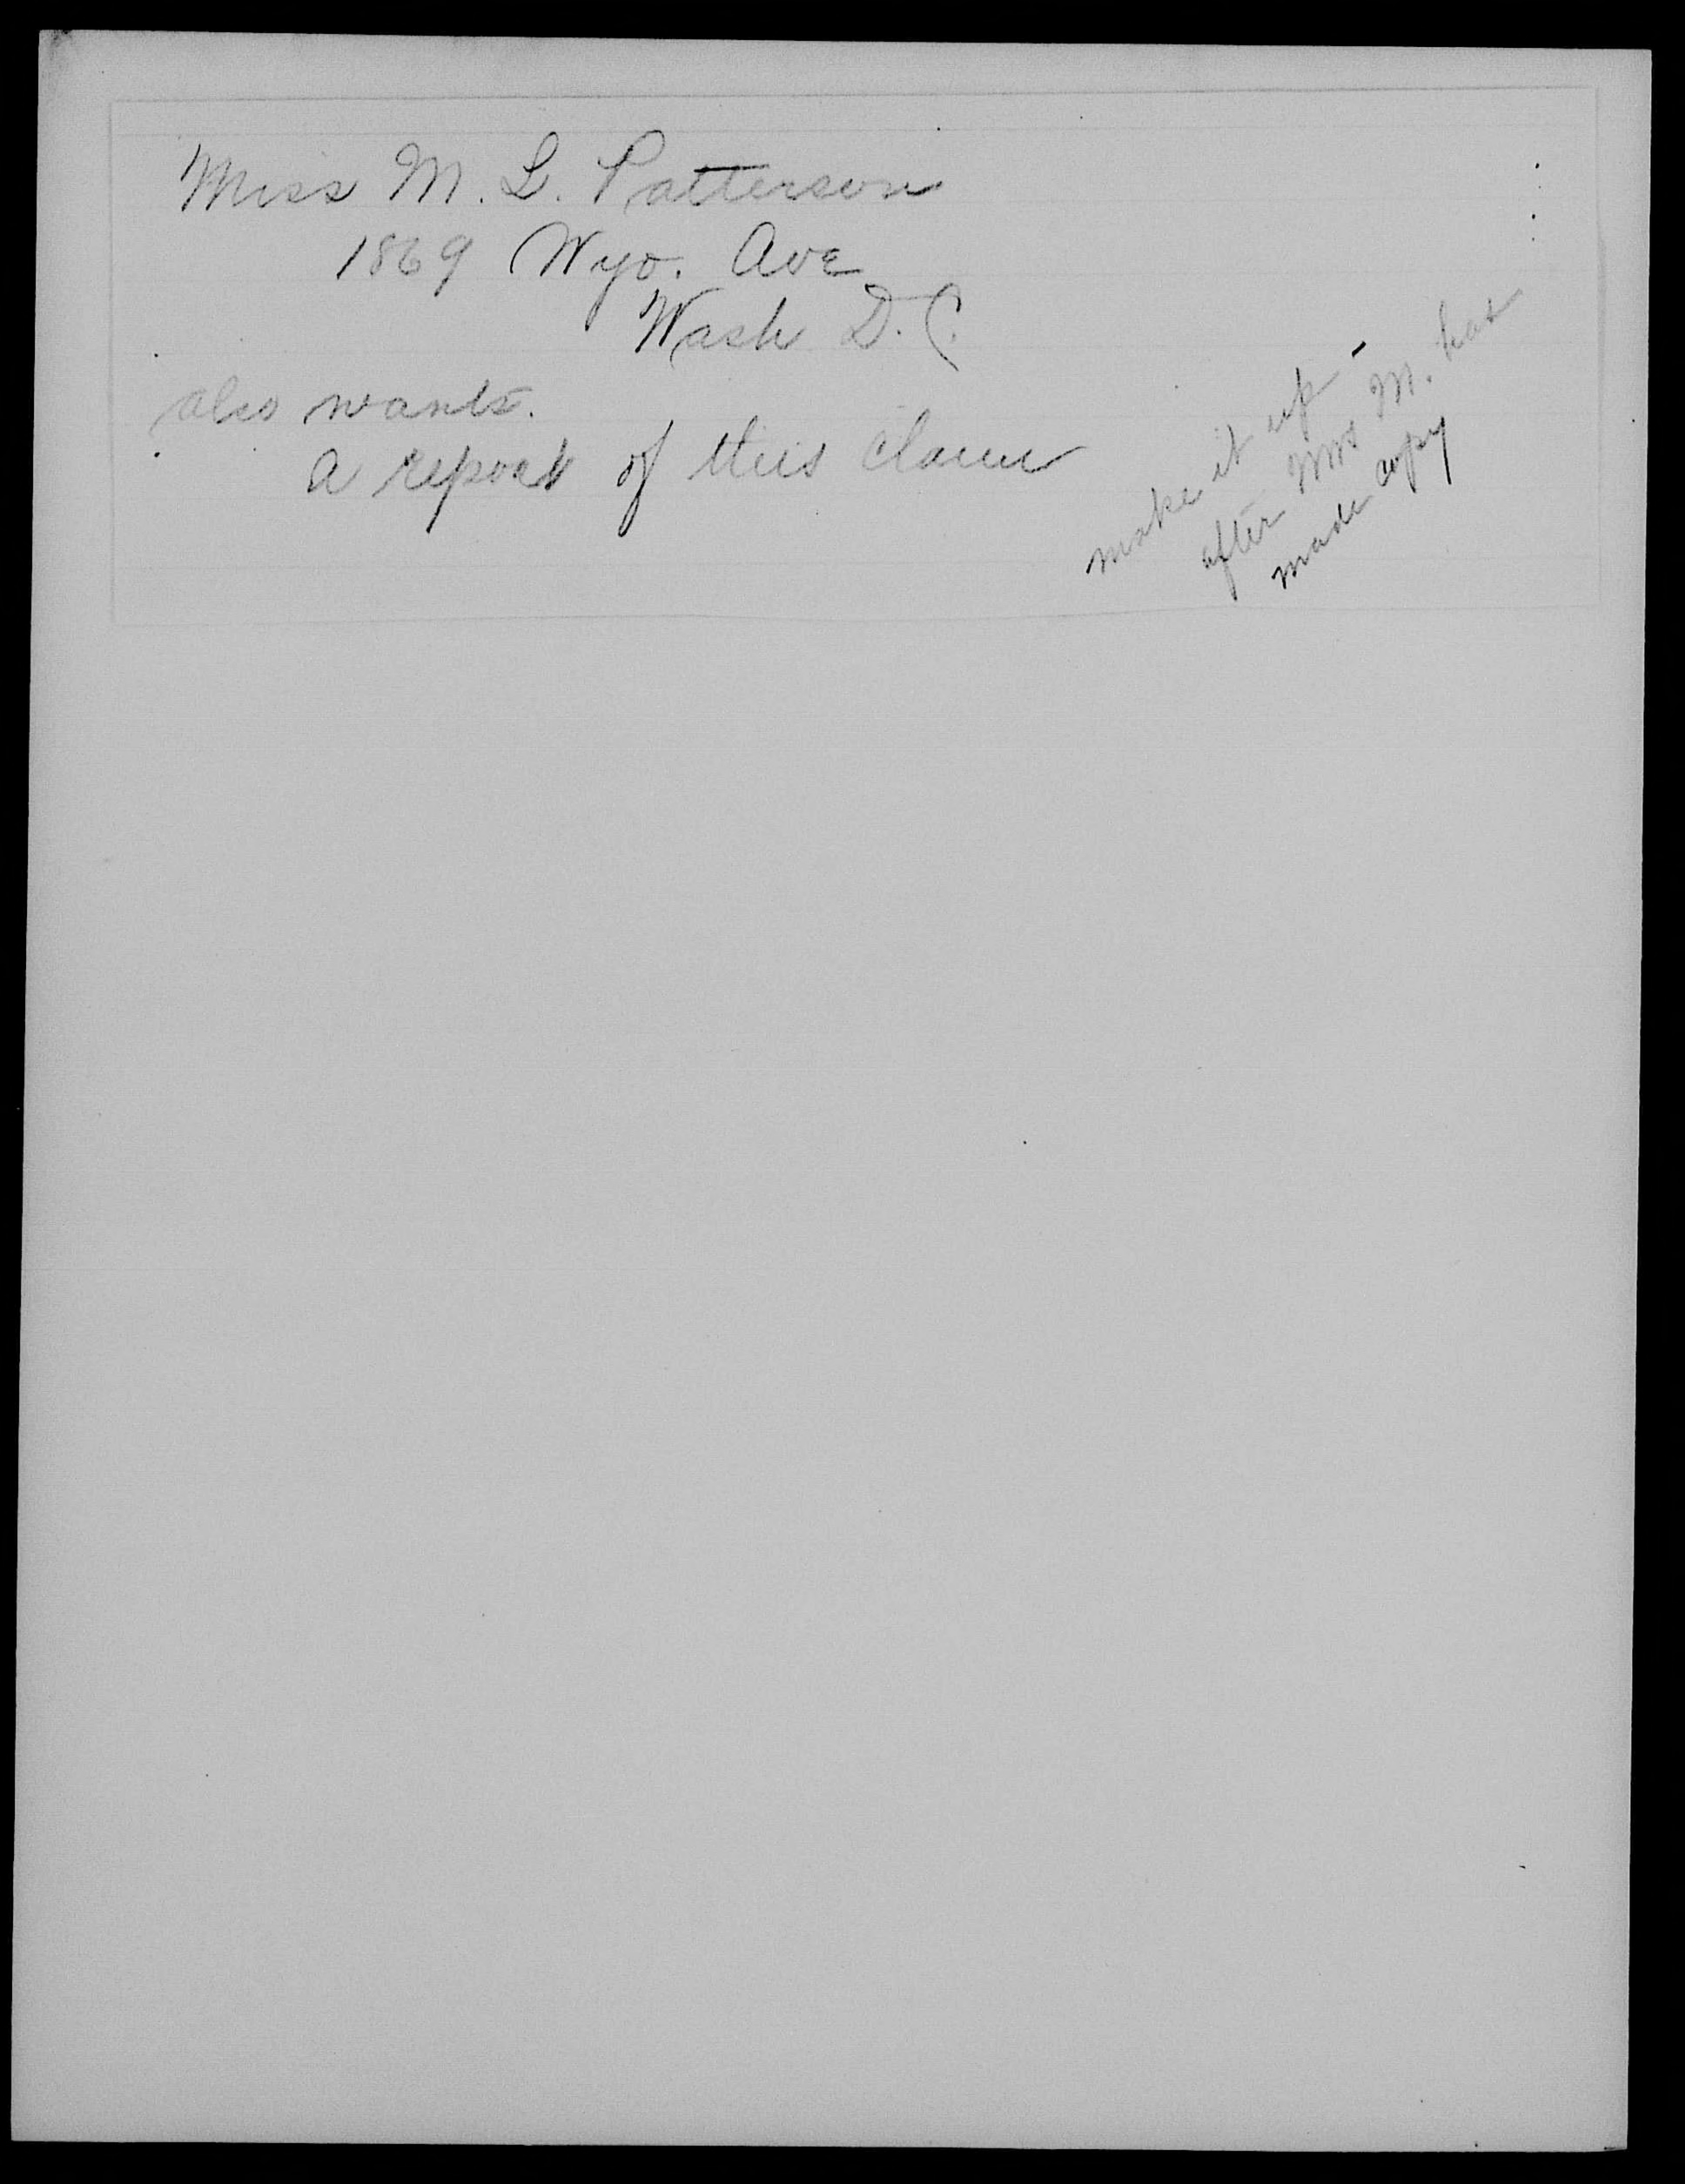Miss M. L. Patterson
1869 Wyo. Ave
Wash D. C. 
also wants a report of this claim
Make it up - after Mrs M has made copy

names: M L Patterson; M [BLANK]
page: 23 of 34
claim: survivor's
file: S. 19483, for John Taliaferro, Virginia